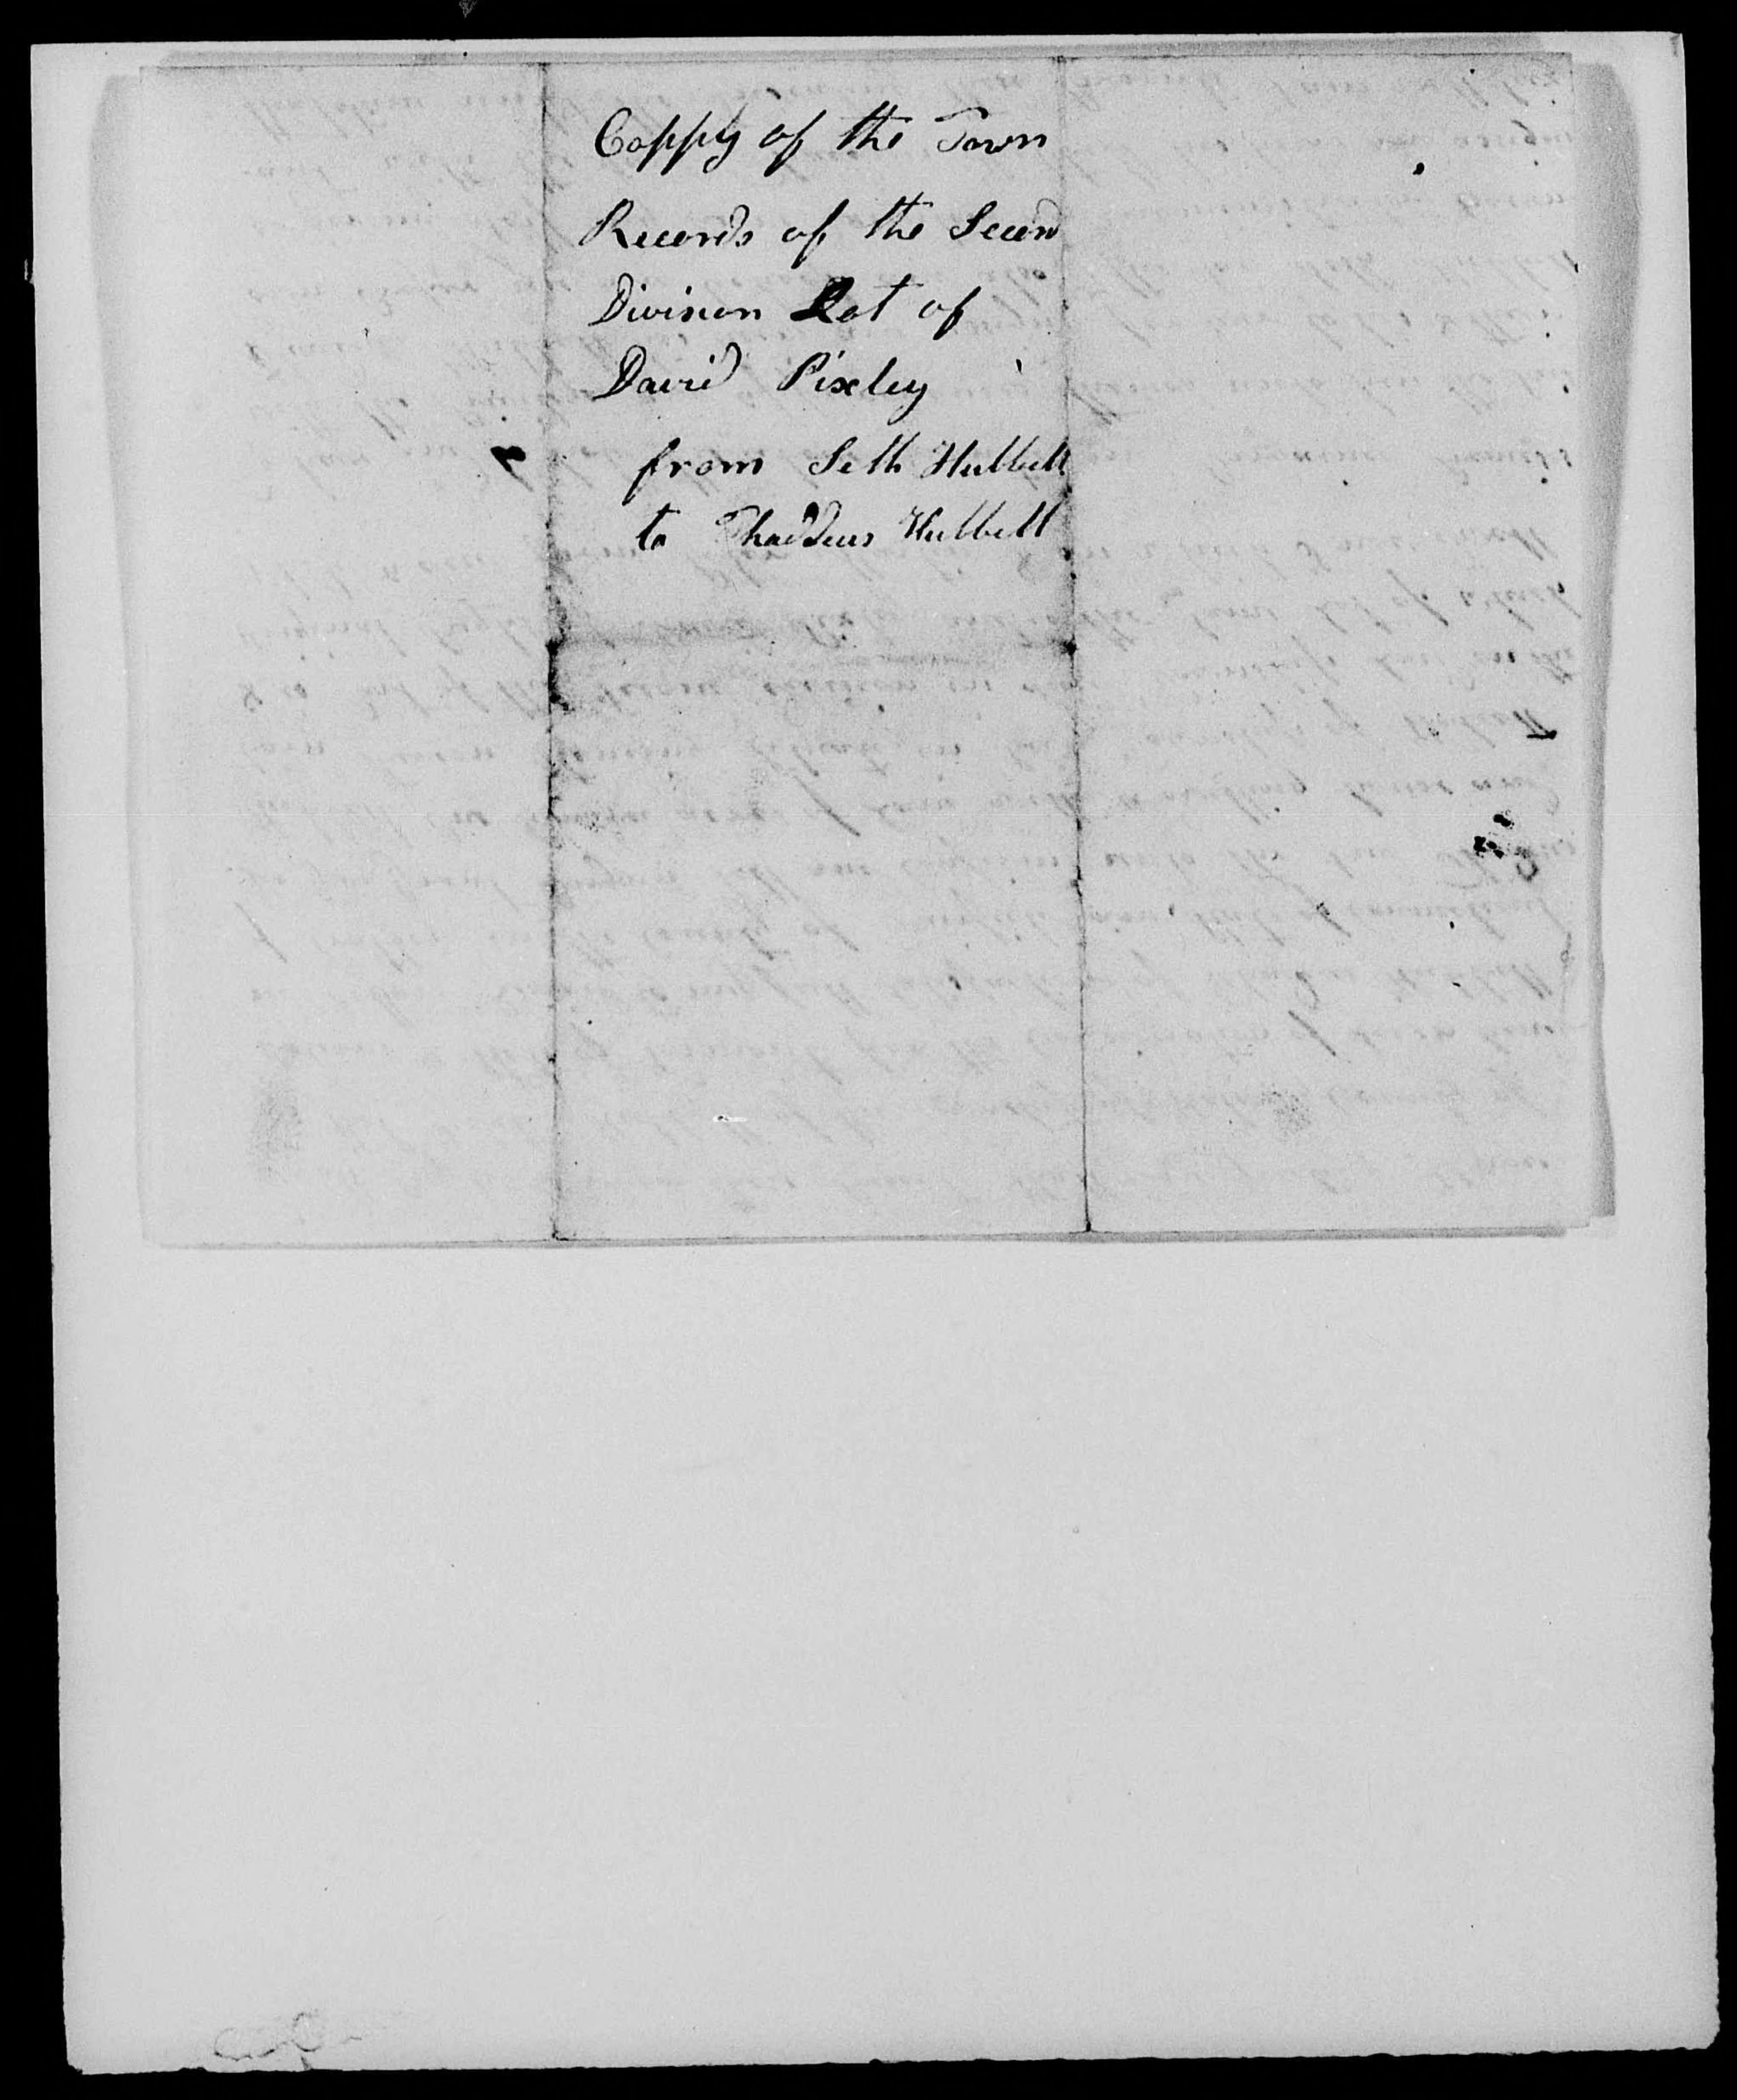Coppy of the Town Records of the Second Division Lot of David Pixley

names: Thaddeus Hubbell, Seth Hubbell, David Pixley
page: 80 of 114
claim: widow's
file: W. 2115, Seth Hubbell, Conn.